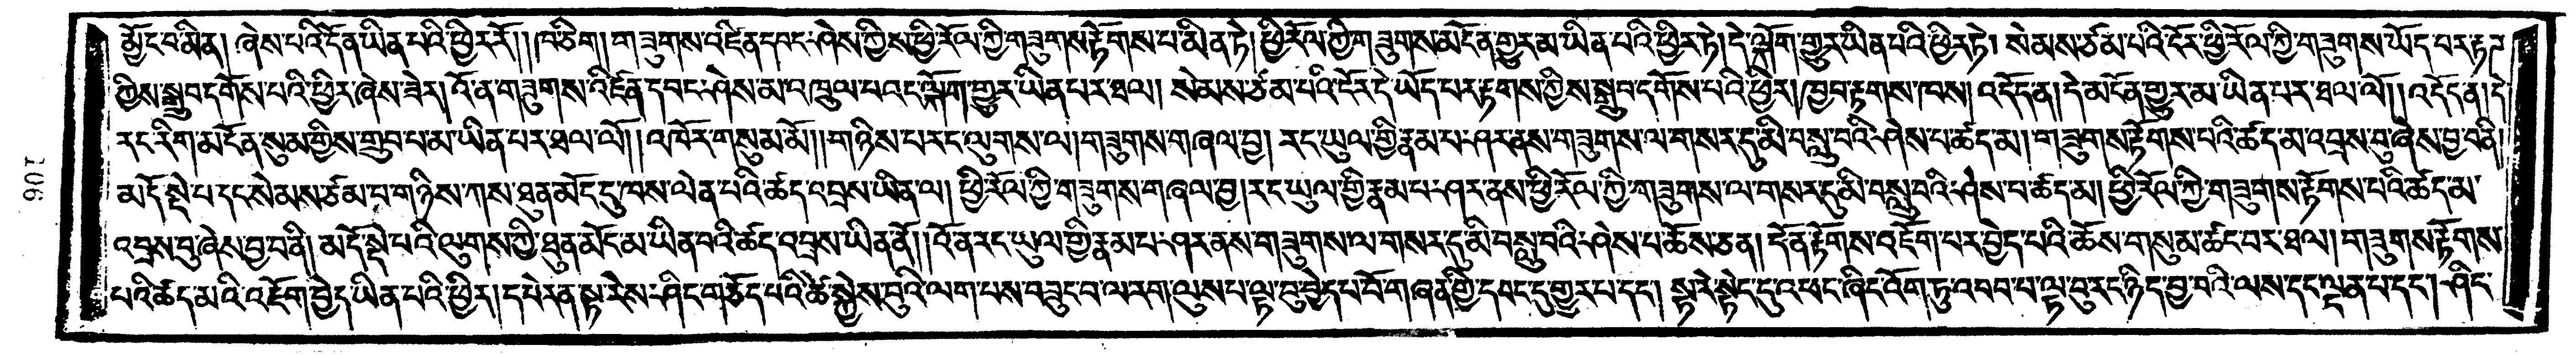མྱོང་བ་མིན། ཞེས་པའི་དོན་ཡིན་པའི་ཕྱིར་རོ། །ཁ་ཅིག །གཟུགས་འཛིན་དབང་ཤེས་ཀྱིས་ཕྱི་རོལ་ཀྱི་གཟུགས་རྟོགས་པ་མིན་ཏེ། ཕྱི་རོལ་ཀྱི་གཟུགས་མངོན་གྱུར་མ་ཡིན་པའི་ཕྱིར་ཏེ། དེ་ལྐོག་གྱུར་ཡིན་པའི་ཕྱིར་ཏེ། སེམས་ཙམ་པའི་ངོར་ཕྱི་རོལ་ཀྱི་གཟུགས་ཡོད་པར་རྟགས་
ཀྱིས་སྒྲུབ་དགོས་པའི་ཕྱིར་ཞེས་ཟེར། འོ་ན་གཟུགས་འཛིན་དབང་ཤེས་མ་འཁྲུལ་པའང་ལྐོག་གྱུར་ཡིན་པར་ཐལ། སེམས་ཙམ་པའི་ངོར་དེ་ཡོད་པར་རྟགས་ཀྱིས་སྒྲུབ་དགོས་པའི་ཕྱིར། ཁྱབ་རྟགས་ཁས། འདོད་ན། དེ་མངོན་གྱུར་མ་ཡིན་པར་ཐལ་ལོ། །འདོད་ན། དེ་
རང་རིག་མངོན་སུམ་གྱིས་གྲུབ་པ་མ་ཡིན་པར་ཐལ་ལོ། །འཁོར་གསུམ་མེ། །གཉིས་པ་རང་ལུགས་ལ། གཟུགས་གཞལ་བྱ། རང་ཡུལ་གྱི་རྣམ་པ་ཤར་ནས་གཟུགས་ལ་གསར་དུ་མི་བསླུ་བའི་ཤེས་པ་ཚད་མ། གཟུགས་རྟོགས་པའི་ཚད་མ་འབྲས་བུ་ཞེས་བྱ་བ་ནི།
མདོ་སྡེ་པ་དང་སེམས་ཙམ་པ་གཉིས་ཀས་ཐུན་མོང་དུ་ཁས་ལེན་པའི་ཚད་འབྲས་ཡིན་ལ། ཕྱི་རོལ་ཀྱི་གཟུགས་གཞལ་བྱ། རང་ཡུལ་གྱི་རྣམ་པ་ཤར་ནས་ཕྱི་རོལ་ཀྱི་གཟུགས་ལ་གསར་དུ་མི་བསླུ་བའི་ཤེས་པ་ཚད་མ། ཕྱི་རོལ་ཀྱི་གཟུགས་རྟོགས་པའི་ཚད་མ་
འབྲས་བུ་ཞེས་བྱ་བ་ནི། མདོ་སྡེ་པའི་ལུགས་ཀྱི་ཐུན་མོང་མ་ཡིན་པའི་ཚད་འབྲས་ཡིན་ནོ། །འོ་ན་རང་ཡུལ་གྱི་རྣམ་པ་ཤར་ནས་གཟུགས་ལ་གསར་དུ་མི་བསླུ་བའི་ཤེས་པ་ཆོས་ཅན། དོན་རྟོགས་འཇོག་པར་བྱེད་པའི་ཆོས་གསུམ་ཚང་བར་ཐལ། གཟུགས་རྟོགས་
པའི་ཚད་མའི་འཇོག་བྱེད་ཡིན་པའི་ཕྱིར། དཔེར་ན་སྟ་རེས་ཤིང་གཅོད་པའི་ཚེ་སྐྱེས་བུའི་ལག་པས་བཟུང་བ་ལ་རག་ལུས་པ་ལྟ་བུ་བྱེད་པ་པོ་གཞན་གྱི་དབང་དུ་གྱུར་པ་དང་། སྟ་རེ་སྟེང་དུ་འཕར་ཞིང་འོག་ཏུ་འབབ་པ་ལྟ་བུ་རང་ཉིད་བྱ་བའི་ལས་དང་ལྡན་པ་དང་། ཤིང་